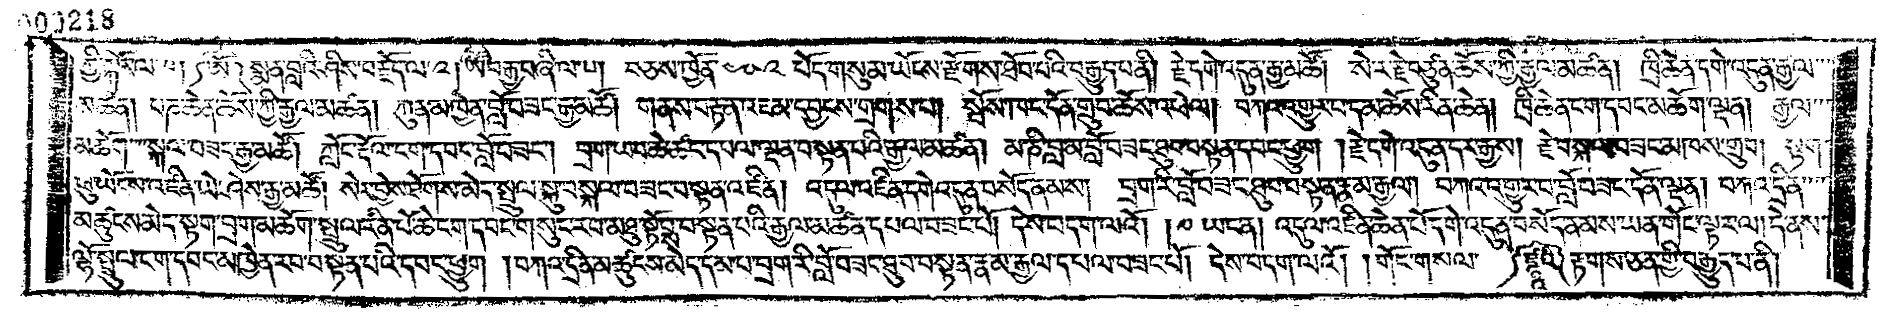ཀྱི་སྐོར་ལ ༥། ༼ཨོ༽ སྨན་བླའི་ཤིས་བརྗོད་ལ ༢། ༼ཨཽ༽ བཞི་ལ ༥། བཅས་ཁྱོན ༤༧༢་པོད་གསུམ་ཡོངས་རྫོགས་ཐོབ་པའི་བརྒྱུད་པ་ནི། རྗེ་དགེ་འདུན་རྒྱ་མཚོ། སེ་ར་རྗེས་བཙུན་ཆོས་ཀྱི་རྒྱལ་མཚན། ཁྲི་ཆེན་དགེ་འདུན་རྒྱལ་
མཚན། པཎ་ཆེན་ཆོས་ཀྱི་རྒྱལ་མཚན། ཀུན་མཁྱེན་བློ་བཟང་རྒྱ་མཚོ། གནས་བརྟན་འཇམ་དབྱངས་གྲགས་པ། སྦོས་ཁང་དོན་གྲུབ་ཆོས་འཕེལ། བཀའ་འགྱུར་པ་དམ་ཆོས་རིན་ཆེན། ཁྲི་ཆེན་ངག་དབང་མཆོག་ལྡན། རྒྱལ་
མཆོག་སྐལ་བཟང་རྒྱ་མཚོ། ཀློང་རྡོལ་ངག་དབང་བློ་བཟང་། བྲག་ཡབ་ཆེ་ཚང་དཔལ་ལྡན་བསྟན་པའི་རྒྱལ་མཚན། མ་ཎི་བླ་མ་བློ་བཟང་ཐུབ་བསྟན་རྣམ་རྒྱལ། བཀའ་འགྱུར་བ་བློ་བཟང་དོན་ལྡན། བཀའ་དྲིན་
མཚུངས་མེད་སྟག་བྲག་མཆོག་སྤྲུལ་རིན་པོ་ཆེ་ངག་དབང་གསུང་རབ་མཐུ་སྟོབས་པའི་རྒྱལ་མཚན་དཔལ་བཟང་པོ། དེས་བདག་ལའོ། །༧་ཡང་ན། འདུལ་འཛིན་ཆེན་པོ་དགེ་འདུན་བསོད་ནམས་ཡན་གོང་ལྟར་ལ། དེ་ནས་
ལྷོ་སྤྲུལ་ངག་དབང་མཁྱེན་རབ་བསྟན་པའི་དབང་ཕྱུག །བཀའ་དྲིན་མཚུངས་མེད་དམ་པ་བྲག་རི་བློ་བཟང་ཐུབ་བསྟན་རྣམ་རྒྱལ་དཔལ་བཟང་པོ། དེས་བདག་ལའོ། །གོང་གསལ། ༼ཛྙཱའི༽ རྟགས་ཅན་གྱི་བརྒྱུད་པ་ནི།